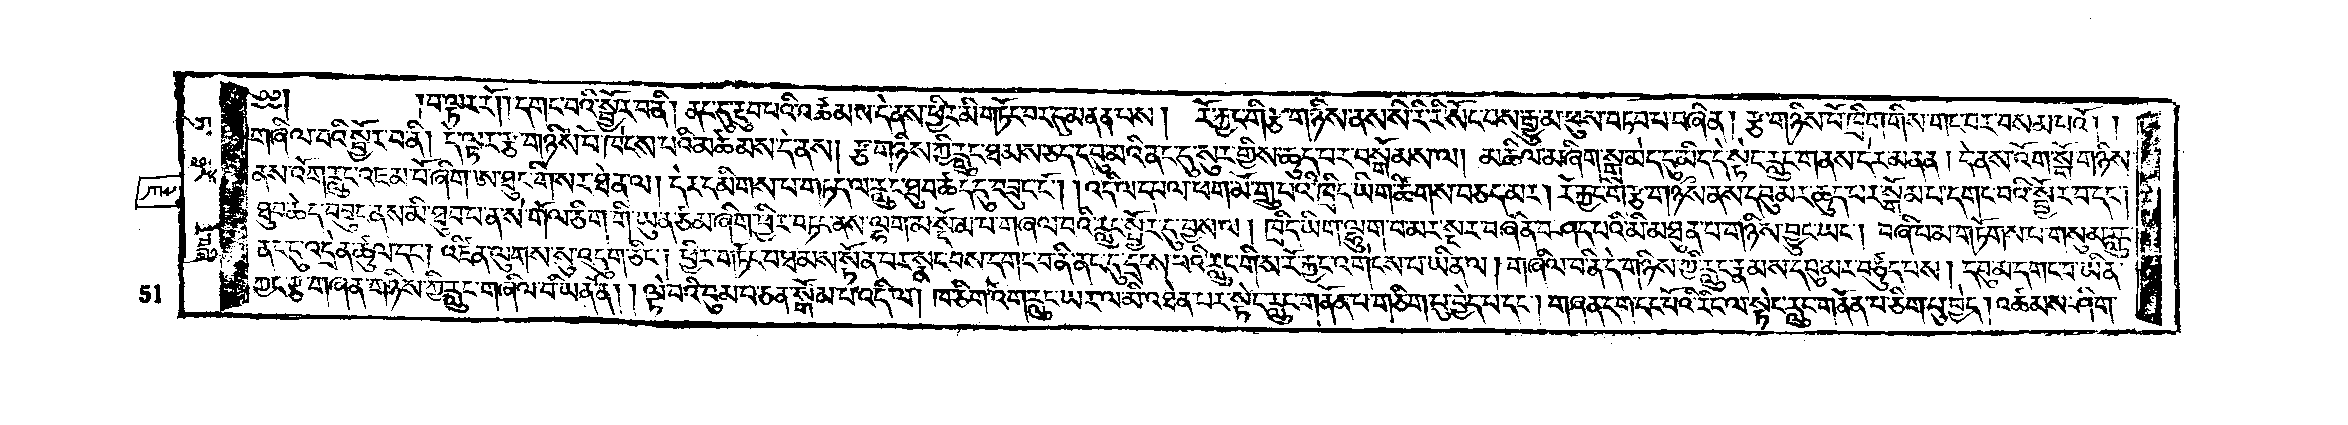༄༅། །བ་ལྟར་རོ། །དགང་བའི་སྦྱོར་བ་ནི། ནང་དུ་རྔུབ་པའི་འཚམས་དེ་ནས་ཕྱིར་མི་གཏོང་བར་དུ་མནན་པས། རོ་རྐྱང་གི་རྩ་གཉིས་ནས་སི་རི་རི་སོང་བས་རྒྱུ་མ་ཕུས་བཏབ་པ་བཞིན། རྩ་གཉིས་པོ་ཁྲིག་གིས་གང་བར་བསམ་པའོ། །
གཞིལ་བའི་སྦྱོར་བ་ནི། དེ་ལྟར་རྩ་གཉིས་པོ་ཁེངས་པའི་མཚམས་དེ་ནས། རྩ་གཉིས་ཀྱི་རླུང་ཐམས་ཅད་དབུ་མའི་ནང་དུ་སུར་གྱིས་ཆུད་པར་བསྒོམས་ལ། མཆིལ་མ་ཞིག་སྒྲ་མེད་དུ་མིད་དེ་སྟེང་རླུང་གནས་དེར་མནན། དེ་ནས་འོག་སྒོ་གཉིས་
ནས་འོག་རླུང་འཇམ་པོ་ཞིག་ཨ་ཐུང་གི་སར་ཐེན་ལ། དེར་དམིགས་པ་གཏད་ལ་རླུང་ཐུབ་ཚད་དུ་བཟུང་ངོ། །འདི་ལ་དཔལ་ཕག་མོ་གྲུ་པའི་ཁྲིད་ཡིག་ཚིགས་བཅད་མར། རོ་རྐྱང་གི་རྩ་གཉིས་ནས་དབུ་མར་ཆུད་པར་སྒོམ་པ་དགང་བའི་སྦྱོར་བ་དང་།
ཐུབ་ཚད་བཟུང་ནས་མི་ཐུབ་པ་ན་སེ་གོལ་ཅིག་གི་ཡུན་ཙམ་ཞིག་ཕྱིར་བཏང་ནས་ལྷག་མ་སྡོམ་པ་གཞལ་བའི་རླུང་སྦྱོར་དུ་བྱས་ལ། ཁྲིད་ཡིག་ལྷུག་པ་མར་སྔར་བཞིན་བཤད་པའི་མི་མཐུན་པ་གཉིས་བྱུང་ཡང་། བཞི་པ་མ་གཏོགས་པ་གསུམ་རླུང་
ནང་དུ་འདྲེན་ཚུལ་དང་། འཛིན་ལུགས་སུ་འདུག་ཅིང་། ཕྱིར་གཏོང་པ་ཐ་མས་སྟོན་པར་སྣང་བས་དགང་བ་ནི་ནང་དུ་དྲངས་པའི་རླུང་གིས་རོ་རྐྱང་འགེངས་པ་ཡིན་ལ། གཞིལ་བ་ནི་དེ་གཉིས་ཀྱི་རླུང་རྣམས་དབུ་མར་བཙུད་པས། དབུ་མ་དགང་བ་ཡིན་
ཀྱང་རྩ་གཞན་གཉིས་ཀྱི་རླུང་གཞིལ་བ་ཡིན་ནོ། །ལྟེ་བའི་བུམ་པ་ཅན་སྒོམ་པ་འདི་ལ། ཁ་ཅིག་འོག་རླུང་ཡར་ལ་མི་འཐེན་པར་སྟེང་རླུང་གནོན་པ་གཅིག་པུ་བྱེད་པ་དང་། གཞན་དག་དང་པོའི་རིང་ལ་སྟེང་རླུང་གནོན་པ་ཅིག་པུ་བྱེད། འཚམས་ཤིག་